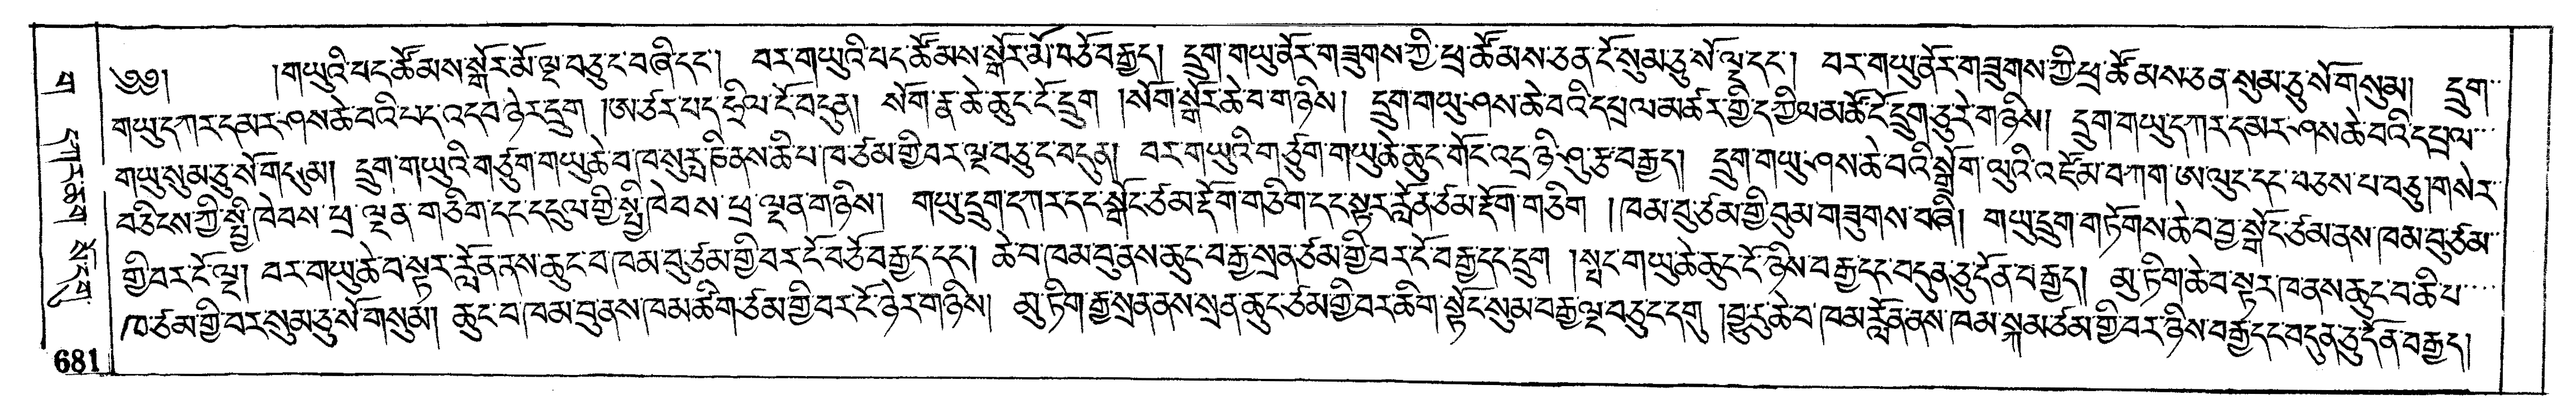༄༅། །གཡུའི་བད་ཚོམས་སྒོར་མོ་ལྔ་བཅུད་བཞི་དང་། བར་གཡུའི་པད་ཚོམས་སྒོར་མོ་བཅོ་བརྒྱད། དྲུག་གཡུ་ནོར་གཟུགས་ཀྱི་ཕྲ་ཚོམས་ཅན་ངོ་སུམ་ཅུ་སོ་ལྔ་དང་། བར་གཡུ་ནོར་གཟུགས་ཀྱི་ཕྲ་ཚོམས་ཅན་སུམ་ཅུ་སོ་གསུམ། དྲུག་
གཡུ་དཀར་དམར་ཤས་ཆེ་བའི་པང་འདབ་ཉེར་དྲུག །ཨ་ཙར་པད་ཧྲིལ་ངོ་བདུན། སོག་རྣ་ཆེ་ཆུང་ངོ་དྲུག །སོག་སྒོར་ཆེ་བ་གཉིས། དྲུག་གཡུ་ཤས་ཆེ་བའི་དཔྲལ་མཚར་གྱི་དཀྱིལ་མཚོ་ངོ་དྲུག་ཅུ་རེ་གཉིས། དྲུག་གཡུ་དཀར་དམར་ཤས་ཆེ་བའི་དཔྲལ་
གཡུ་སུམ་ཅུ་སོ་གསུམ། དྲུག་གཡུའི་གཙུག་གཡུ་ཆེ་བ་ཁ་སུརྤ་ཎི་ནས་ཆི་བ་ཁ་ཙམ་གྱི་བར་ལྔ་བཅུ་ང་བདུན། བར་གཡུའི་གཙུག་གཡུ་ཆེ་ཆུང་གོང་འདྲ་ཉི་ཤུ་རྩ་བརྒྱད། དྲུག་གཡུ་ཤས་ཆེ་བའི་སྒྲོག་ལུའི་འཛོམ་བཀག་ཨ་ལུང་དང་བཅས་པ་བཅུ། གསེར་
བཅིངས་ཀྱི་སྤྱི་ཁེབས་ཕྲ་ལྡན་གཅིག་དང་དངུལ་གྱི་སྦྱི་ཁེབས་ཕྲ་ལྡན་གཉིས། གཡུ་དྲུག་དཀར་དང་སྒོད་ཙམ་རྡོག་གཅིག་དང་སྟར་རློན་ཙམ་རྡོག་གཅིག །ཁམ་བུ་ཙམ་གྱི་བུམ་གཟུགས་བཞི། གཡུ་དྲུག་གཏོགས་ཆེ་བ་བྱ་སྒོང་ཙམ་ནས་ཁམ་བུ་ཙམ་
གྱི་བར་ངོ་ལྔ། བར་གཡུ་ཆེ་བ་སྟར་རློན་ནས་ཆུད་བ་ཁམ་བུ་ཙམ་གྱི་བར་ངོ་བཅོ་བརྒྱད་དང་། ཆེ་བ་ཁམ་བུ་ནས་ཆུང་བ་རྒྱ་སྲན་ཙམ་གྱི་བར་ངོ་བརྒྱ་དང་དྲུག །སྤང་གཡུ་ཆེ་ཆུང་ངོ་ཉིས་བརྒྱ་དང་བདུན་ཅུ་དོན་བརྒྱད། མུ་ཏིག་ཆེ་བ་སྟར་ཁ་ནས་ཆུང་བ་ཚིབ་
ཁ་ཙམ་གྱི་བར་སུམ་ཅུ་སོ་གསུམ། ཆུང་བ་ཁམ་བུ་ནས་ཁམ་ཚིག་ཙམ་གྱི་བར་ངོ་ཉེར་གཉིས། མུ་ཏིག་རྒྱ་སྲན་ནས་སྲན་ཆུང་ཙམ་གྱི་བར་ཆིག་སྟོང་སུམ་བརྒྱ་ལྔ་བཅུད་དགུ །བྱུ་རུ་ཆེ་བ་ཁམ་རློན་ནས་ཁམ་སྐམ་ཙམ་གྱི་བར་ཉིས་བརྒྱ་དང་བདུན་དུ་དོན་བརྒྱད།